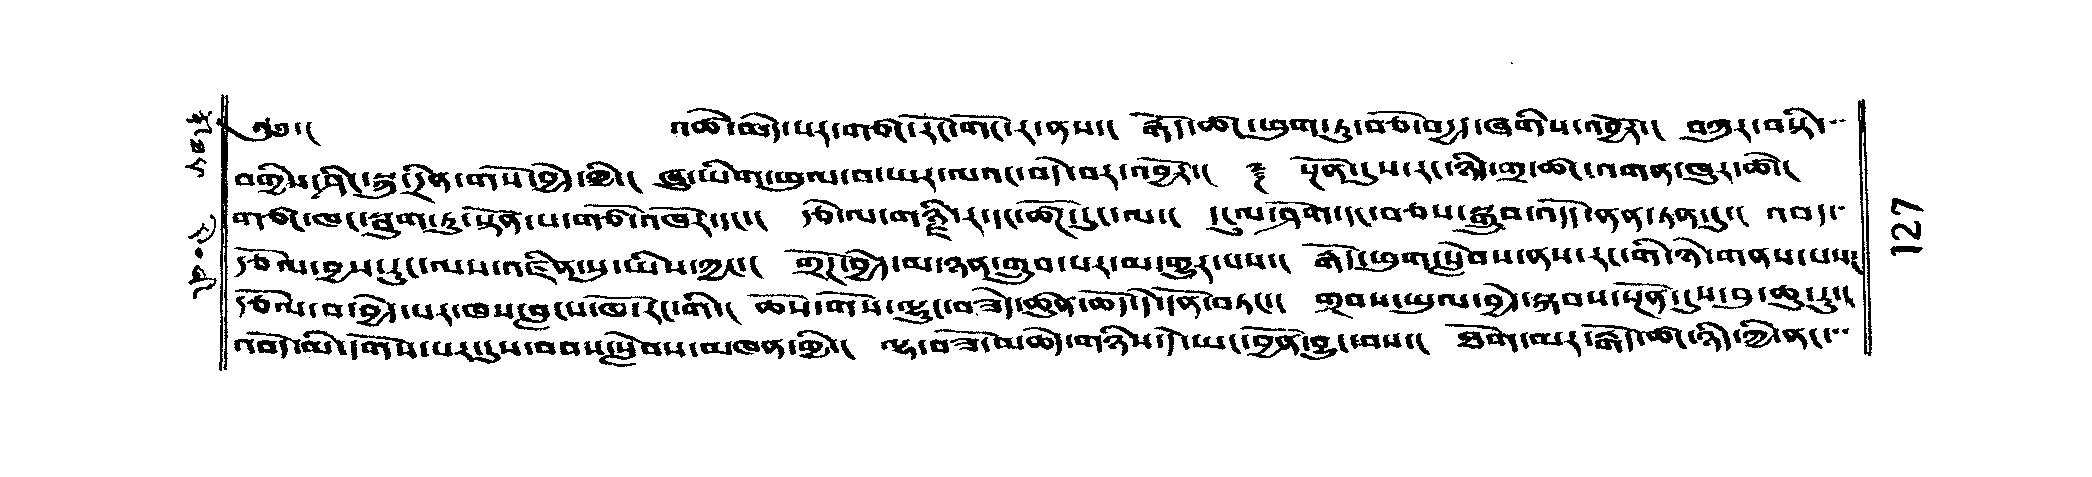འཚེ་མེད་པར་གཙང་རོང་གོང་ར་ནས། །རྒོད་ཚང་ཕུག་ཏུ་བཅོ་བརྒྱད་ཞག་གིས་འབྱོར། །བཀུར་བསྟི་
བགྱིས་ཤིང་སྐུ་དྲིན་གསོ་བྱེད་ཀྱི། །ཞུ་ཡིག་ཕུལ་བ་ཡར་ལའང་བདེ་བར་འབྱོར། སྔོན་དུས་རང་ཉིད་གྲྭ་ཚང་འགན་ཁུར་ཚེ། །
གཙང་ཁང་སྦུག་ཏུ་སྟོན་པ་གཙོ་འཁོར་དང་། །རྩེ་ལ་གཉྫི་ར་དང་ཚོགས་དུང་ལ། །དངུལ་ཤོག་དང་བཅས་བསྒྲུབ་འདོད་ནན་ཏན་དུ། །འབད་
རྩོལ་བྱས་རུང་ལས་འཛིན་སུ་ཡིས་ཀྱང་། །གྲོགས་བྱེད་མ་ཉན་གྲུབ་པར་མ་གྱུར་པས། །རྒོད་ཕུག་སླེབས་ནས་རང་གི་ཉེ་གནས་པས། །
རྩོལ་བ་བྱེད་པར་ཁས་བླངས་ཁོ་རང་གི །ཆོས་གོས་ལྷུང་བཟེད་ཚུན་ཆོད་དེ་དོན་བཏང་། །གྲབས་ཡུལ་བྱེད་སྐབས་སྔོན་དུས་བུ་ཆུ་རུ། །
འབོད་མི་དགོས་པར་དུས་བབས་སླེབས་མཁན་གྱི། །ལྷ་བཟོ་མཆེད་གཉིས་དེ་ཡང་བྱོན་བྱུང་བས། །ཐོག་མར་རྒོད་ཚང་ཉིད་ཀྱི་ནང་